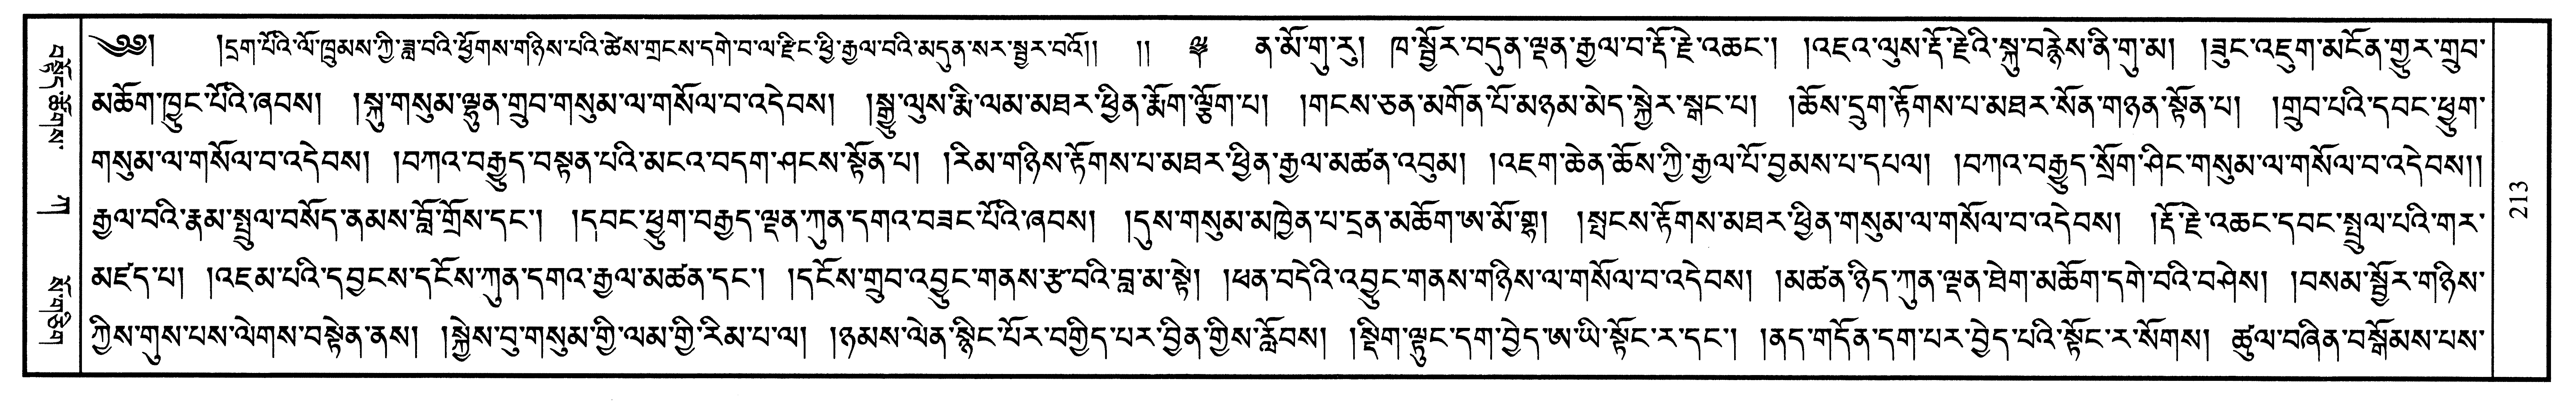༄༅། །དྲག་པོའི་ལོ་ཁྲུམས་ཀྱི་ཟླ་བའི་ཕྱོགས་གཉིས་པའི་ཚེས་གྲངས་དགེ་བ་ལ་རྫིང་ཕྱི་རྒྱལ་བའི་མདུན་སར་སྦྱར་བའོ།། །།༈ ན་མོ་གུ་རུ། ཁ་སྦྱོར་བདུན་ལྡན་རྒྱལ་བ་རྡོ་རྗེ་འཆང་། །འཇའ་ལུས་རྡོ་རྗེའི་སྐུ་བརྙེས་ནི་གུ་མ། །ཟུང་འཇུག་མངོན་གྱུར་གྲུབ་
མཆོག་ཁྱུང་པོའི་ཞབས། །སྐུ་གསུམ་ལྷུན་གྲུབ་གསུམ་ལ་གསོལ་བ་འདེབས། །སྒྱུ་ལུས་རྨི་ལམ་མཐར་ཕྱིན་རྨོག་ལྕོག་པ། །གངས་ཅན་མགོན་པོ་མཉམ་མེད་སྐྱེར་སྒང་པ། །ཆོས་དྲུག་རྟོགས་པ་མཐར་སོན་གཉན་སྟོན་པ། །གྲུབ་པའི་དབང་ཕྱུག་
གསུམ་ལ་གསོལ་བ་འདེབས། །བཀའ་བརྒྱུད་བསྟན་པའི་མངའ་བདག་ཤངས་སྟོན་པ། །རིམ་གཉིས་རྟོགས་པ་མཐར་ཕྱིན་རྒྱལ་མཚན་འབུམ། །འཇག་ཆེན་ཆོས་ཀྱི་རྒྱལ་པོ་བྱམས་པ་དཔལ། །བཀའ་བརྒྱུད་སྲོག་ཤིང་གསུམ་ལ་གསོལ་བ་འདེབས།།
རྒྱལ་བའི་རྣམ་སྤྲུལ་བསོད་ནམས་བློ་གྲོས་དང་། །དབང་ཕྱུག་བརྒྱད་ལྡན་ཀུན་དགའ་བཟང་པོའི་ཞབས། །དུས་གསུམ་མཁྱེན་པ་དྲན་མཆོག་ཨ་མོ་གྷ། །སྤངས་རྟོགས་མཐར་ཕྱིན་གསུམ་ལ་གསོལ་བ་འདེབས། །རྡོ་རྗེ་འཆང་དབང་སྤྲུལ་པའི་གར་
མཛད་པ། །འཇམ་པའི་དབྱངས་དངོས་ཀུན་དགའ་རྒྱལ་མཚན་དང་། །དངོས་གྲུབ་འབྱུང་གནས་རྩ་བའི་བླ་མ་སྟེ། །ཕན་བདེའི་འབྱུང་གནས་གཉིས་ལ་གསོལ་བ་འདེབས། །མཚན་ཉིད་ཀུན་ལྡན་ཐེག་མཆོག་དགེ་བའི་བཤེས། །བསམ་སྦྱོར་གཉིས་
ཀྱིས་གུས་པས་ལེགས་བསྟེན་ནས། །སྐྱེས་བུ་གསུམ་གྱི་ལམ་གྱི་རིམ་པ་ལ། །ཉམས་ལེན་སྙིང་པོར་བགྱིད་པར་བྱིན་གྱིས་རློབས། །སྡིག་ལྟུང་དག་བྱེད་ཨ་ཡི་སྟོང་ར་དང་། །ནད་གདོན་དག་པར་བྱེད་པའི་སྟོང་ར་སོགས། ཚུལ་བཞིན་བསྒོམས་པས་